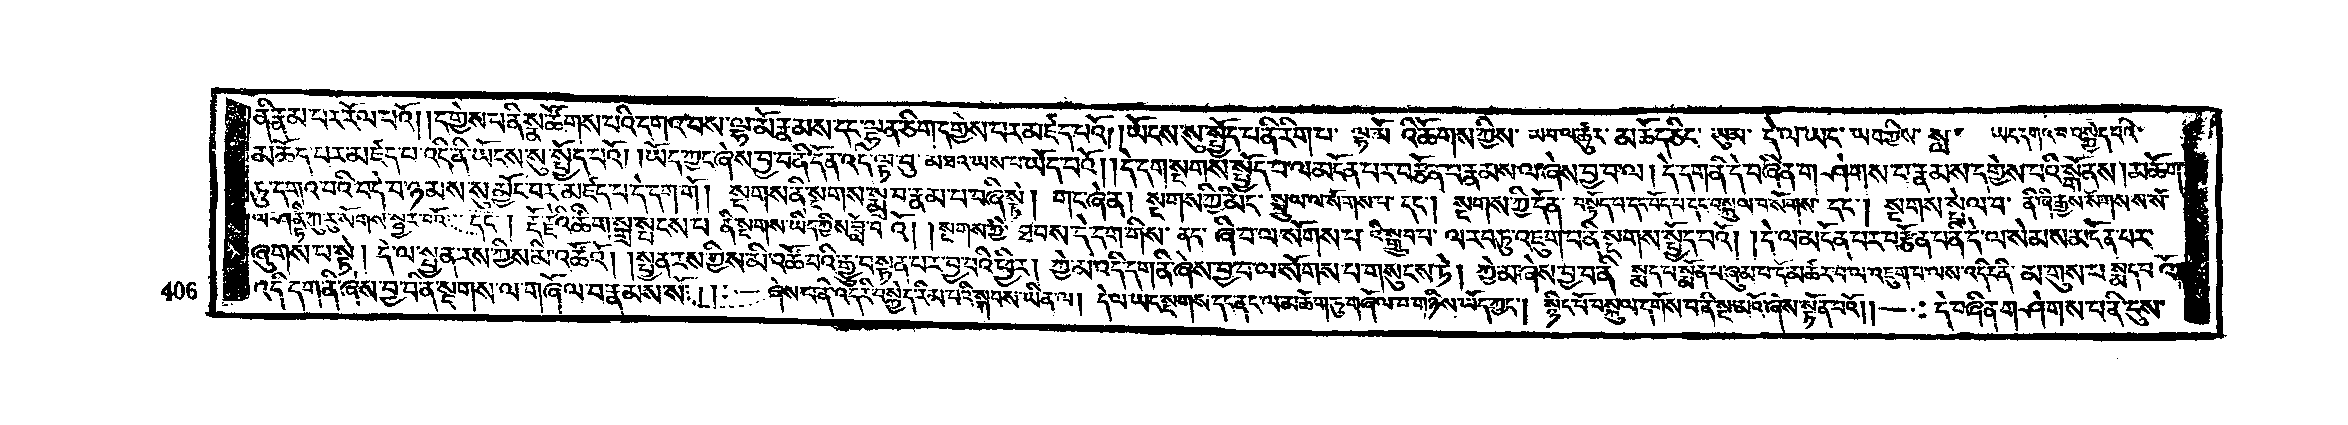ནི་རྣམ་པར་རོལ་པའོ། །དགྱེས་པ་ནི་སྣ་ཚོགས་པའི་དགའ་བས་ལྷ་མོ་རྣམས་དང་ལྷན་ཅིག་དགྱེས་པར་མཛད་པའོ། །ཡོངས་སུ་སྤྱོད་པ་ནི་རིག་པ་ལྷ་མོའི་ཚོགས་ཀྱིས་ཡབ་ལ་ཚུར་མཆོད་ཅིང་ཡུམ་དེ་ལ་ཡང་ཡབ་ཀྱིས་སླར་ཡང་དགའ་བ་བསྐྱེད་པའི
མཆོད་པར་མཛད་པ་འདི་ནི་ཡོངས་སུ་སྤྱོད་པའོ། །ཡོད་ཀྱང་ཞེས་བྱ་བ་ནི་དོན་འདི་ལྟ་བུ་མཐའ་ཡས་པ་ཡོད་པའོ། །དེ་དག་སྔགས་སྤྱོད་པ་ལ་མངོན་པར་བརྩོན་པ་རྣམས་ལ་ཞེས་བྱ་བ་ལ། དེ་དག་ནི་དེ་བཞིན་གཤེགས་པ་རྣམས་དགྱེས་པའི་སྒོ་ནས། མཆོག་
ཏུ་དགའ་བའི་བདེ་བ་ཉམས་སུ་མྱོང་བར་མཛད་པ་དེ་དག་གོ ། སྔགས་ནི་སྔགས་སྨྲ་བ་རྣམ་པ་བཞི་སྟེ། གང་ཞེ་ན། སྔགས་ཀྱི་མིང་སྤྲུལ་ལ་སོགས་པ་དང་། སྔགས་ཀྱི་དོན་བསྟོད་པ་དང་བོད་པ་དང་བསྐུལ་བ་སོགས་དང་། སྔགས་སྤེལ་བ་ནི་ཞི་རྒྱས་སོགས་སོ་
ལ་ཤནྟི་ཀུ་རུ་སོགས་སྦྱར་བའི་དང་། རྡོ་རྗེའི་ཚིག་སྒྲས་སྤང་པ་ནི་སྔགས་ཡིད་ཀྱི་ཟློ་བའོ། །སྔགས་ཀྱི་ཐབས་དེ་དག་གིས་ནད་ཞི་བ་ལ་སོགས་པའི་སྒྲུབ་པ་ལ་རབ་ཏུ་འཇུག་པ་ནི་སྔགས་སྤྱོད་པའོ། །དེ་ལ་མངོན་པར་བརྩོན་པ་ནི་དེ་ལ་སེམས་མངོན་པར་
ཞུགས་པ་སྟེ། དེ་ལ་སྤྱན་རས་ཀྱིས་མི་འཚོའོ། །སྤྱན་རས་ཀྱིས་མི་འཚོ་བའི་རྒྱུ་བསྟན་པར་བྱ་བའི་ཕྱིར། ཀྱེ་མ་འདི་དག་ནི་ཞེས་བྱ་བ་ལ་སོགས་པ་གསུངས་ཏེ། ཀྱེ་མ་ཞེས་བྱ་བ་ནི་སྨད་པ་སྨོན་པ་ཞུམ་པ་ངོ་མཚར་བ་ལ་འཇུག་པ་ལས་འདིར་ནི་མ་གུས་པ་སྨད་པའོ།
འདི་དག་ནི་ཞེས་བྱ་བ་ནི་སྔགས་ལ་གཞོལ་བ་རྣམས་སོ།། H.་ཞས་པ་ནི་འདིར་བསྐྱེད་རིམ་པའི་སྐབས་ཡིན་ལ། དེ་ལ་ཡང་སྔགས་དང་ནང་ལ་མཆོག་ཏུ་གཞོལ་བ་གཉིས་ཡོད་ཀྱང་། སྙིང་པོ་བསྐུལ་དགོས་པ་ནི་སྔ་མའོ་ཞེས་སྟོན་པའོ།། .H དེ་བཞིན་གཤེགས་པ་ནི་དུས་